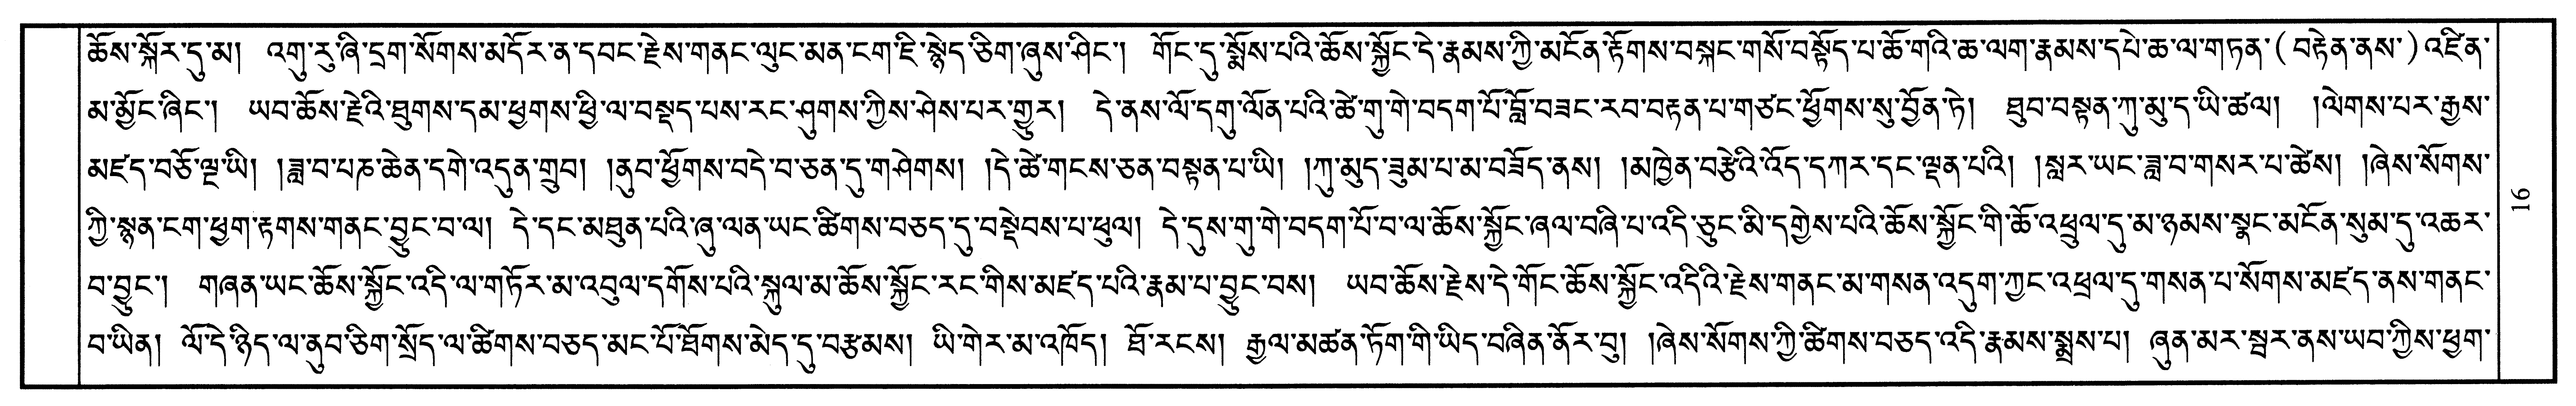ཆོས་སྐོར་དུ་མ། འགུ་རུ་ཞི་དྲག་སོགས་མདོར་ན་དབང་རྗེས་གནང་ལུང་མན་ངག་ཇི་སྙེད་ཅིག་ཞུས་ཤིང་། གོང་དུ་སྨོས་པའི་ཆོས་སྐྱོང་དེ་རྣམས་ཀྱི་མངོན་རྟོགས་བསྐང་གསོ་བསྟོད་པ་ཆོ་གའི་ཆ་ལག་རྣམས་དཔེ་ཆ་ལ་གཏན་བརྟེན་ནས་འཛིན་
མ་མྱོང་ཞིང་། ཡབ་ཆོས་རྗེའི་ཐུགས་དམ་ཕྱགས་ཕྱི་ལ་བསྡད་པས་རང་ཤུགས་ཀྱིས་ཤེས་པར་གྱུར། དེ་ནས་ལོ་དགུ་ལོན་པའི་ཚེ་གུ་གེ་བདག་པོ་བློ་བཟང་རབ་བརྟན་པ་གཙང་ཕྱོགས་སུ་བྱོན་ཏེ། ཐུབ་བསྟན་ཀུ་མུ་ད་ཡི་ཚལ། །ལེགས་པར་རྒྱས་
མཛད་བཅོ་ལྔ་ཡི། །ཟླ་བ་པཎ་ཆེན་དགེ་འདུན་གྲུབ། །ནུབ་ཕྱོགས་བདེ་བ་ཅན་དུ་གཤེགས། །དེ་ཚེ་གངས་ཅན་བསྟན་པ་ཡི། །ཀུ་མུད་ཟུམ་པ་མ་བཟོད་ནས། །མཁྱེན་བརྩེའི་འོད་དཀར་དང་ལྡན་པའི། །སླར་ཡང་ཟླ་བ་གསར་པ་ཚེས། །ཞེས་སོགས་
ཀྱི་སྙན་ངག་ཕྱག་རྟགས་གནང་བྱུང་བ་ལ། དེ་དང་མཐུན་པའི་ཞུ་ལན་ཡང་ཚིགས་བཅད་དུ་བསྡེབས་པ་ཕུལ། དེ་དུས་གུ་གེ་བདག་པོ་བ་ལ་ཆོས་སྐྱོང་ཞལ་བཞི་པ་འདི་ཅུང་མི་དགྱེས་པའི་ཆོས་སྐྱོང་གི་ཆོ་འཕྲུལ་དུ་མ་ཉམས་སྣང་མངོན་སུམ་དུ་འཆར་
བ་བྱུང་། གཞན་ཡང་ཆོས་སྐྱོང་འདི་ལ་གཏོར་མ་འབུལ་དགོས་པའི་སྐུལ་མ་ཆོས་སྐྱོང་རང་གིས་མཛད་པའི་རྣམ་པ་བྱུང་བས། ཡབ་ཆོས་རྗེས་དེ་གོང་ཆོས་སྐྱོང་འདིའི་རྗེས་གནང་མ་གསན་འདུག་ཀྱང་འཕྲལ་དུ་གསན་པ་སོགས་མཛད་ནས་གནང་
བ་ཡིན། ལོ་དེ་ཉིད་ལ་ནུབ་ཅིག་སྲོད་ལ་ཚིགས་བཅད་མང་པོ་ཐོགས་མེད་དུ་བརྩམས། ཡི་གེར་མ་འཁོད། ཐོ་རངས། རྒྱལ་མཚན་ཏོག་གི་ཡིད་བཞིན་ནོར་བུ། །ཞེས་སོགས་ཀྱི་ཚིགས་བཅད་འདི་རྣམས་སྨྲས་པ། ཞུན་མར་སྦར་ནས་ཡབ་ཀྱིས་ཕྱག་